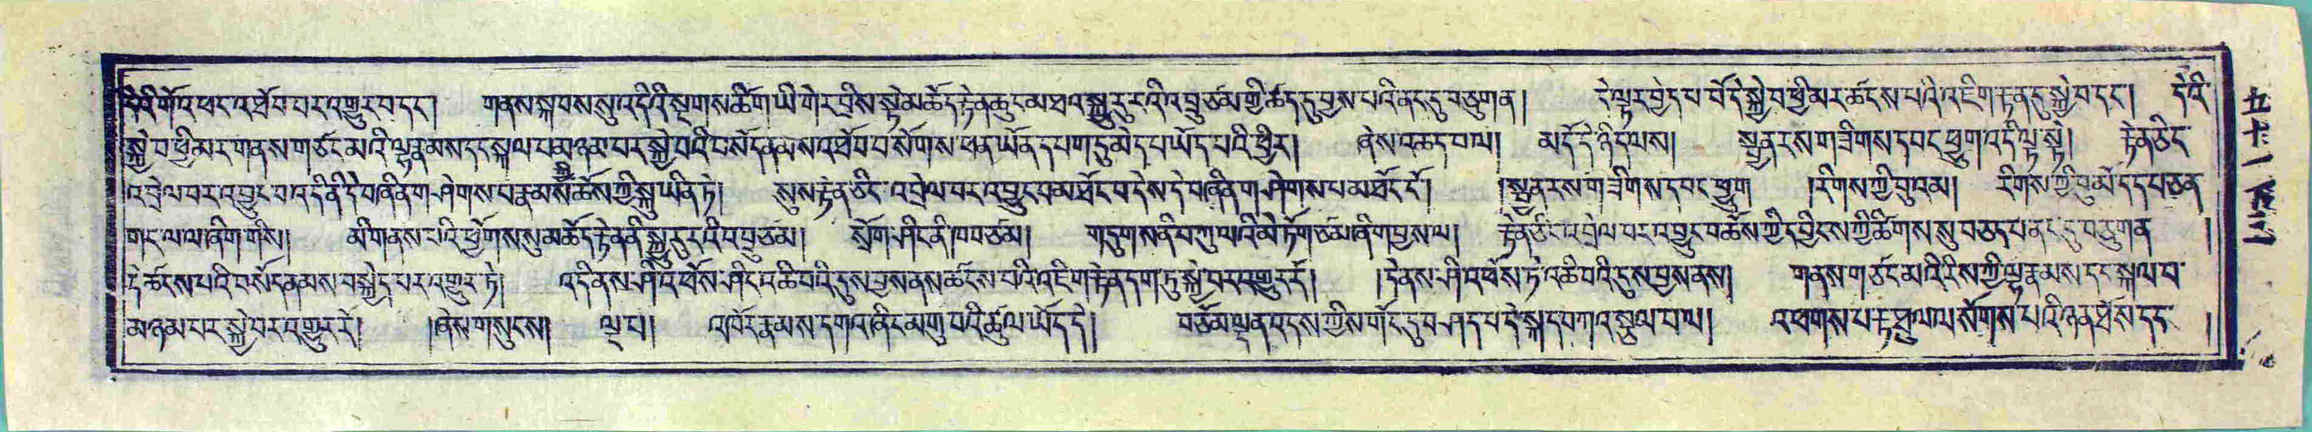དེའི་གོ་འཕང་འཐོབ་པར་འགྱུར་བ་དང་། གནས་སྐབས་སུ་འདིའི་སྔགས་ཚིག་ཡི་གེར་བྲིས་སྟེ་མཆོད་རྟེན་ཆུང་མཐའ་སྐྱུ་རུ་རའི་འབྲུ་ཙམ་གྱི་ཚད་
དུ་བྱས་པའི་ནང་དུ་བཅུག་ན། དེ་ལྟར་བྱེད་པ་པོ་དེ་སྐྱེ་བ་ཕྱི་མར་ཚངས་པའི་འཇིག་རྟེན་དུ་སྐྱེ་བ་དང་། དེའི་སྐྱེ་བ་ཕྱི་མར་གནས་གཙང་མའི་ལྷ་རྣམས་དང་སྐལ་པ་མཉམ་པར་སྐྱེ་བའི་བསོད་
ནམས་འཐོབ་པ་སོགས་ཕན་ཡོན་དཔག་ཏུ་མེད་པ་ཡོན་པའི་ཕྱིར། ཞེས་འཆད་པ་ལ། མདོ་དེ་ཉིད་ལས། སྤྱན་རས་གཟིགས་དབང་ཕྱུག་འདི་ལྟ་སྟེ། རྟེན་ཅིང་འབྲེལ་བར་འབྱུང་བ་
འདི་ནི་དེ་བཞིན་གཤེགས་པ་རྣམས་ཀྱི་ཆོས་ཀྱི་སྐུ་ཡིན་ཏེ། སུས་རྟེན་ཅིང་འབྲེལ་བར་འབྱུང་བ་མཐོང་བ་དེས་དེ་བཞིན་གཤེགས་པ་མཐོང་དོ། །སྤྱན་རས་གཟིགས་དབང་ཕྱུག །རིགས་
ཀྱི་བུའམ། རིགས་ཀྱི་བུ་མོ་དད་པ་ཅན་གང་ལ་ལ་ཞིག་གིས། མི་གནས་པའི་ཕྱོགས་སུ་མཆོད་རྟེན་ནི་སྐྱུ་རུ་རའི་འབྲུ་ཙམ། སྲོག་ཤིང་ནི་ཁབ་ཙམ། གདུགས་ནི་བ་ཀུ་ལའི་མེ་ཏོག་ཙམ་ཞིག་༄༅། །བྱས་ལ། རྟེན་ཅིང་འབྲེལ་བར་འབྱུང་བ་ཆོས་ཀྱི་དབྱིངས་ཀྱི་ཚིགས་སུ་བཅད་པ་ནང་དུ་བཅུག་ན། དེ་ཚངས་པའི་བསོད་ནམས་བསྐྱེད་པར་འགྱུར་ཏེ། འདི་ནས་ཤི་འཕོས་ཤིང་
འཆི་བའི་དུས་བྱས་ནས་ཚངས་པའི་འཇིག་རྟེན་དག་ཏུ་སྐྱེ་བར་འགྱུར་རོ། །དེ་ནས་ཤི་འཕོས་ཏེ་འཆི་བའི་དུས་བྱས་ནས། གནས་གཙང་མའི་རིས་ཀྱི་ལྷ་རྣམས་དང་སྐལ་པ་མཉམ་པར་སྐྱེ་
བར་འགྱུར་རོ། །ཞེས་གསུངས། ལྔ་པ། འཁོར་རྣམས་དགའ་ཞིང་མགུ་བའི་ཚུལ་ཡོད་དེ། བཅོམ་ལྡན་འདས་ཀྱི་གོང་དུ་བཤད་པ་དེ་སྐད་བཀའ་སྩལ་པ་ལ། འཕགས་པ་རྟ་ཐུལ་ལ་སོགས་པའི་ཉན་
ཐོས་དང་།